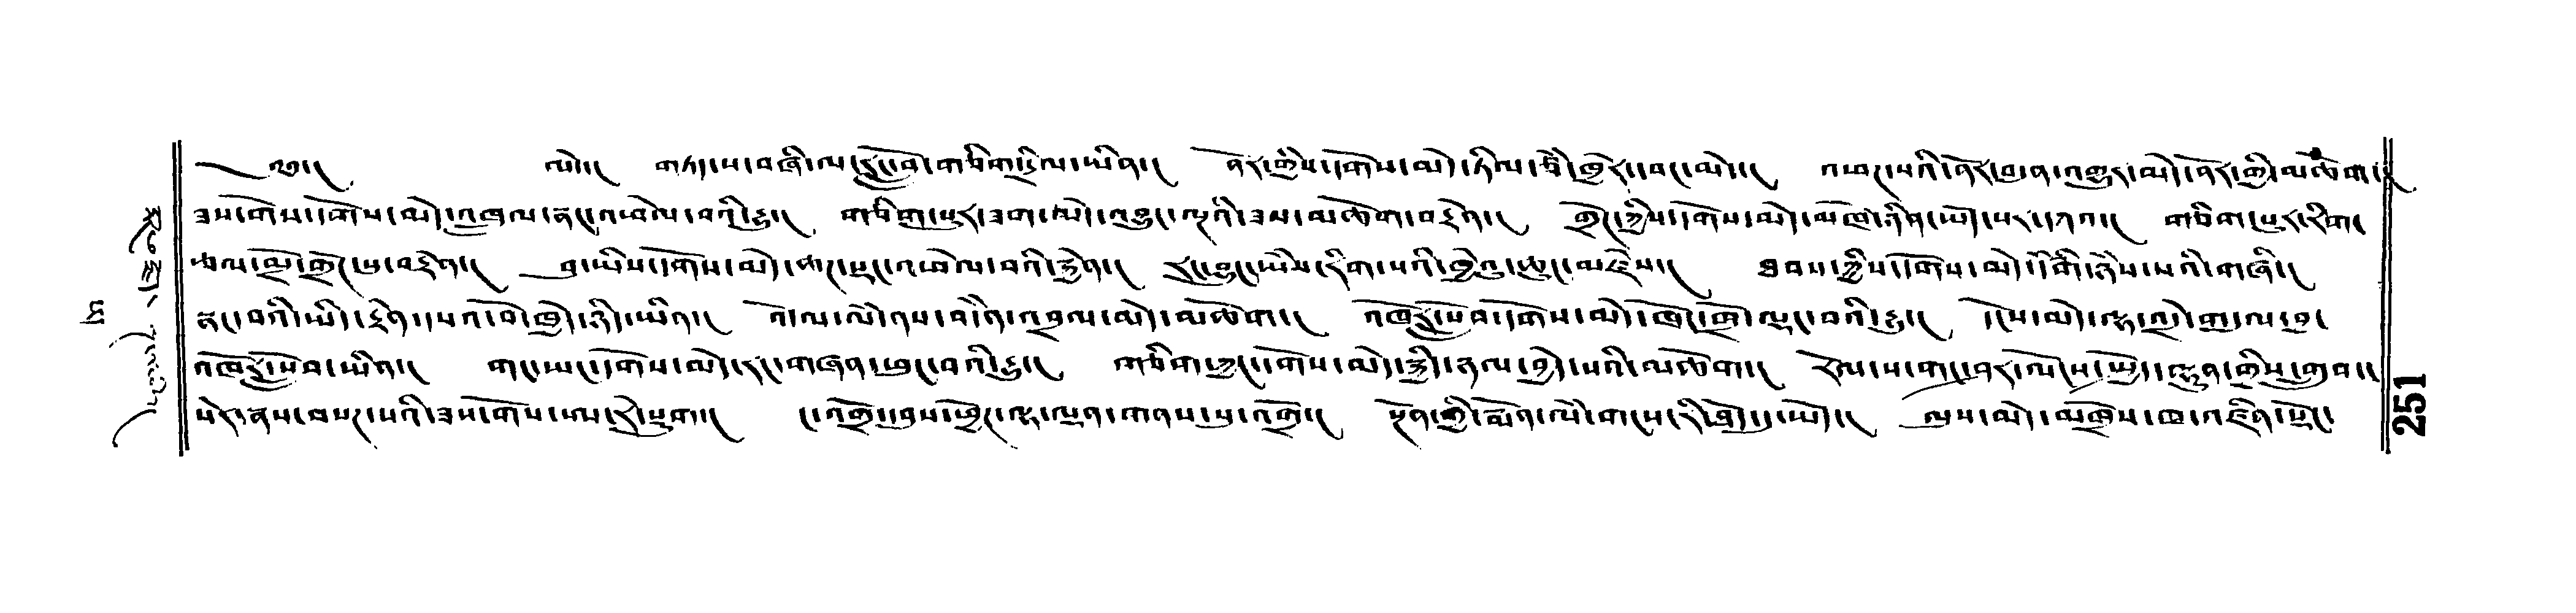མེད། གཏད་པ་བཞི་ལ་རང་བློ་གཅིག་དྲིལ་ཡིན། །ནོར་གྱིས་དགོས་མེད་ཏིལ་ཙམ་ཁྱེར་དབང་མེད། །འཕགས་པའི་ནོར་བདུན་འགྱུར་མེད་ནོར་གྱི་མཆོག 
ཟས་གོས་དགོས་མེད་འཁྲུལ་སྣང་འཕེལ་བའི་རྒྱུ། །གཅིག་པུར་ཟག་མེད་འབྱུང་ལྔའི་ཟས་མཆོག་བརྟེན། །གྲོགས་ཀྱིས་དགོས་མེད་མཁོ་ཉིན་ཡོད་པར་དཀའ། །གཅིག་པུར་རིག་
རྩལ་མཁའ་འགྲོ་གྲོགས་སུ་བརྟེན། །བུ་ཡིས་དགོས་མེད་ཆགས་སྡང་འཕེལ་བའི་རྐྱེན། རང་བྱུང་ཡེ་ཤེས་རིག་པའི་ཁྱེའུ་ཆུང་མཛེས། ཐབས་ཀྱི་དགོས་མེད་དམ་ཚིག་ཉམས་པའི་གཞི། །
སྣང་བའི་ཡིད་རྟེན་དཔའ་བོ་ཁྱེད་ཉིད་ཡིན། །འོད་གསལ་ལམ་ནས་བདེ་ཆེན་འབྲལ་མེད་མཆོག །འཁོར་སློབ་དགོས་མེད་ཁོང་ཁྲོ་ལྡང་བའི་རྒྱུ། །དངོས་མེད་ལྷ་འདྲེ་གདུལ་བྱ་
འཁོར་སློབ་ཡིན། །གང་ཡང་དགོས་མེད་རང་གཞན་ཕུང་བའི་རྒྱུ། །གཅིག་ཀྱང་དགོས་མེད་སྐྱིད་ཉལ་བྱེད་པའི་མཆོག །རོལ་པ་གང་ཤར་ལོངས་སྤྱོད་ལྷུན་གྱིས་གྲུབ། །
སེར་སྣས་བསགས་པའི་ཟས་གོས་ཨ་རེ་སྡུག །ང་འགྲོ་དབུས་ཕྱོགས་ལྷ་ལྡན་གནས་སུ་འགྲོ། །སྔོན་གྱི་སྨོན་ལམ་གངས་རི་ཐོད་དུ་ཡོད། །ལུས་མེད་མཁའ་འགྲོས་ཁ་འཛིན་སྡོང་